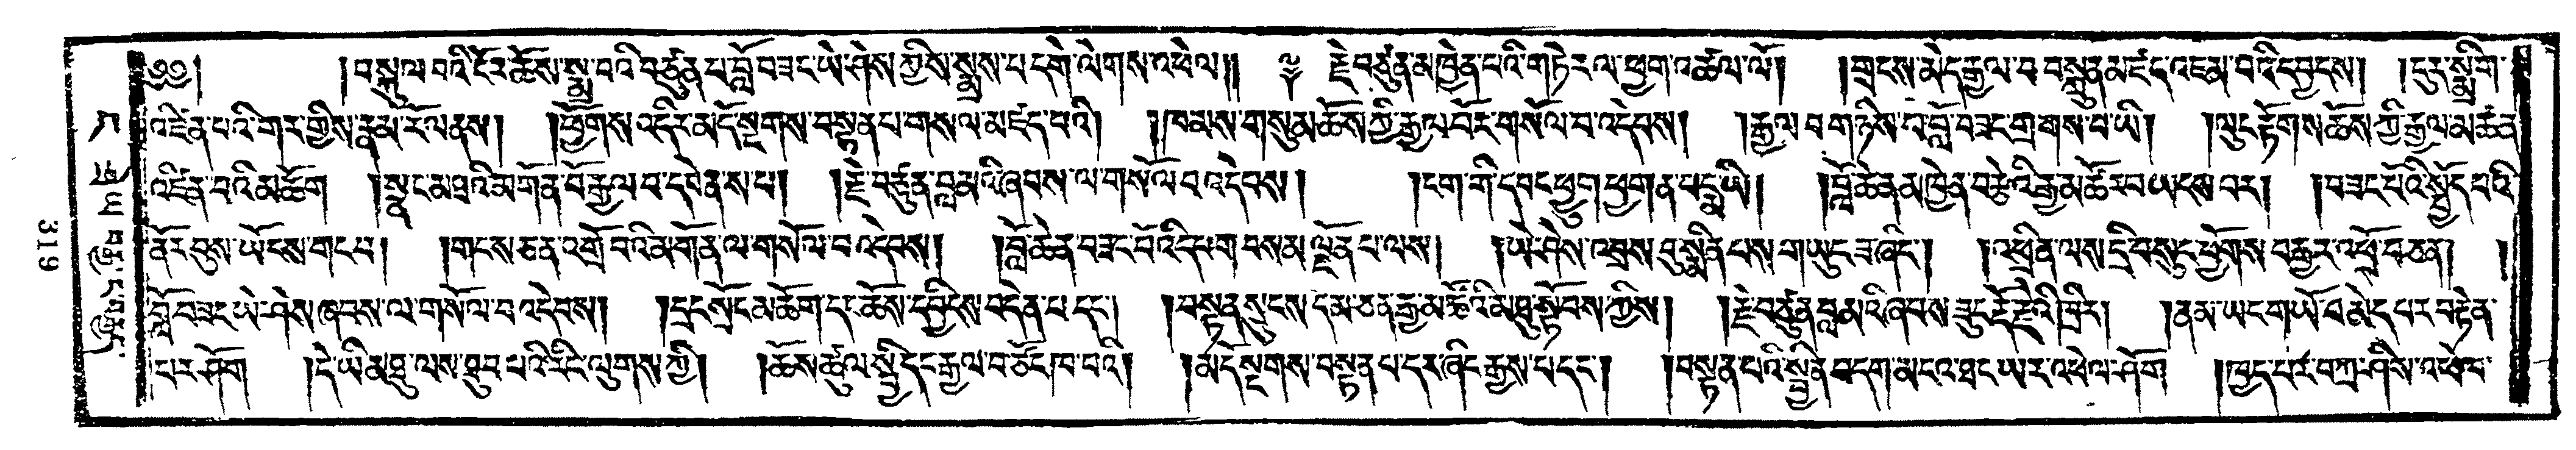༄༅། །བསྐུལ་བའི་ངོར་ཆོས་སྨྲ་བའི་བཙུན་པ་བློ་བཟང་ཡེ་ཤེས་ཀྱིས་སྨྲས་པ་དགེ་ལེགས་འཕེལ།། ༈ རྗེ་བཙུན་མཁྱེན་པའི་གཏེར་ལ་ཕྱག་འཚལ་ལོ། །གྲངས་མེད་རྒྱལ་བ་བསྐྲུན་མཛད་འཇམ་བའི་དབྱངས། །དུར་སྨྲིག་
འཛིན་པའི་གར་གྱིས་རྣམ་རོལ་ནས། །ཕྱོགས་འདིར་མདོ་སྔགས་བསྟན་པ་གསལ་མཛད་པའི། །ཁམས་གསུམ་ཆོས་ཀྱི་རྒྱལ་བོར་གསོལ་བ་འདེབས། །རྒྱལ་བ་གཉིས་པ་བློ་བཟང་གྲགས་པ་ཡི། །ལུང་རྟོགས་ཆོས་ཀྱི་རྒྱལ་མཚན་
འཛིན་པའི་མཆོག །སྣང་མཐའི་མགོན་བོ་རྒྱལ་བ་དབེན་ས་པ། །རྗེ་བཙུན་བླ་མའི་ཞབས་ལ་གསོལ་བ་འདེབས། །ངག་གི་དབང་ཕྱུག་ཕྱག་ན་པདམ་ཡི། །བློ་ཆེན་མཁྱེན་བརྩེའི་རྒྱ་མཚོ་རབ་ཡངས་བར། །བཟང་པོའི་སྤྱོད་པའི་
ནོར་བུས་ཡོངས་གང་པ། །གངས་ཅན་འགྲོ་བའི་མགོན་ལ་གསོལ་བ་འདེབས། །བློ་ཆེན་བཟང་པོའི་དཔག་བསམ་ལྗོན་པ་ལས། །ཡེ་ཤེས་འབྲས་བུ་སྨིན་པས་གཡུང་ཟ་ཞིང་། །འཕྲིན་ལས་དྲི་བསུང་ཕྱོགས་བརྒྱར་འཕྲོ་བ་ཅན། །
བློ་བཟང་ཡེ་ཤེས་ཞབས་ལ་གསོལ་བ་འདེབས། །དྲང་སྲོང་མཆོག་དང་ཆོས་དབྱིངས་བདེན་པ་དང་། །བསྟན་སྲུངས་དམ་ཅན་རྒྱ་མཚོའི་མཐུ་སྟོབས་ཀྱིས། །རྗེ་བཙུན་བླ་མའི་ཞབས་ཟུང་རྡོ་རྗེའི་ཁྲིར། །ནམ་ཡང་གཡོ་བ་མེད་པར་བརྟེན་
པར་ཤོག །དེ་ཡི་མཐུ་ལས་ཐུབ་པའི་རིང་ལུགས་ཀྱི། །ཆོས་ཚུལ་སྤྱི་དང་རྒྱལ་བ་ཙོང་ཁ་བའི། །མདོ་སྔགས་བསྟན་པ་དར་ཞིང་རྒྱས་པ་དང་། །བསྟན་པའི་སྦྱིན་བདག་མངའ་ཐང་ཡར་འཕེལ་ཤོག །ཁྱད་པར་བཀྲ་ཤིས་འཕེལ་